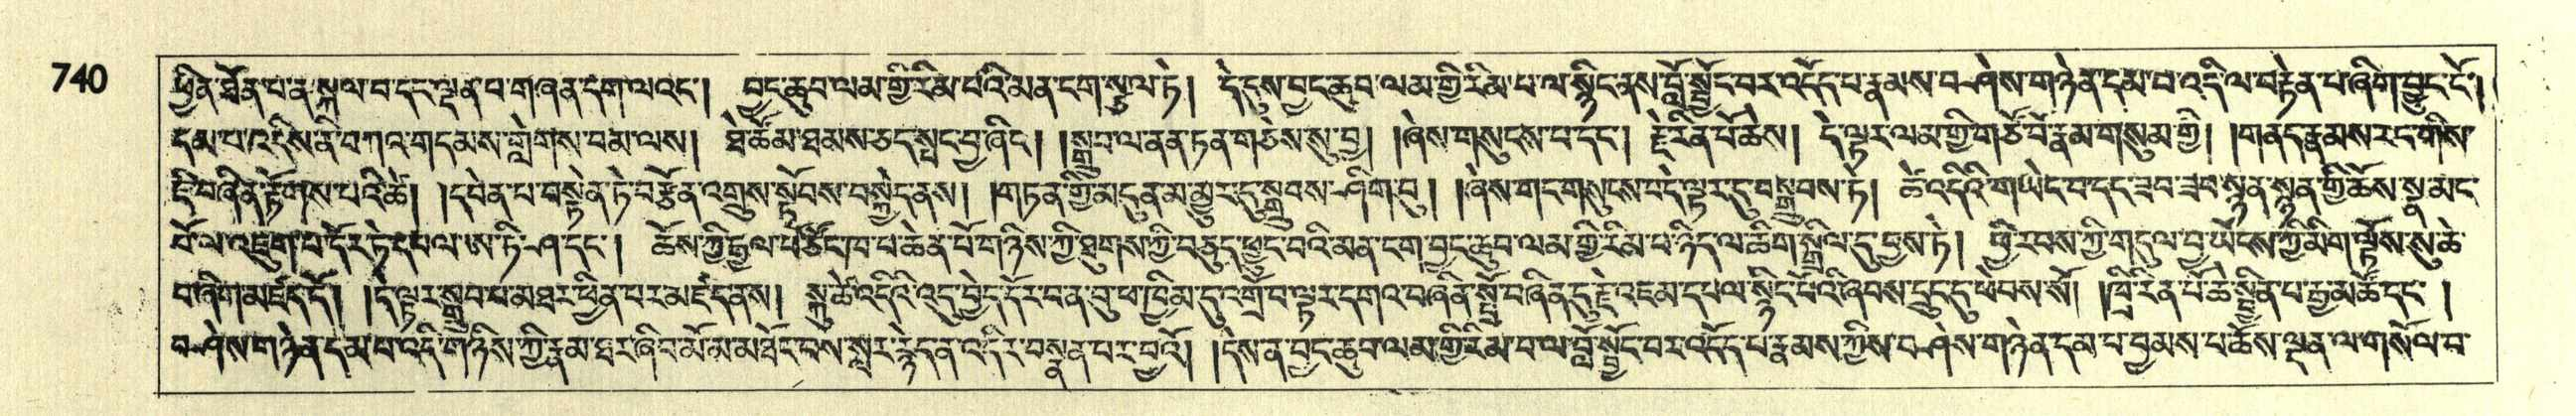ཕྱིན་ཐོན་པ་ན་སྐལ་བ་དང་ལྡན་བ་གཞན་དག་ལའང་། བྱང་ཆུབ་ལམ་གྱི་རིམ་པའི་མན་ངག་སྩལ་ཏེ། དེ་དུས་བྱང་ཆུབ་ལམ་གྱི་རིམ་པ་ལ་སྙིང་ནས་བློ་སྦྱོང་བར་འདོད་པ་རྣམས་བཤེས་གཉེན་དམ་པ་འདི་ལ་བརྟེན་པ་ཞིག་བྱུང་ངོ།
དམ་པ་འདིས་ནི་བཀའ་གདམས་གླེགས་བམ་ལས། ཐེ་ཚོམ་ཐམས་ཅད་སྤང་བྱ་ཞིང་། །སྒྲུབ་ལ་ནན་ཏན་གཅེས་སུ་བྱ། །ཞེས་གསུངས་པ་དང་། རྗེ་རིན་པོ་ཆེས། དེ་ལྟར་ལམ་གྱི་གཙོ་བོ་རྣམ་གསུམ་གྱི། །གནད་རྣམས་རང་གིས་
ཇི་བཞིན་རྟོགས་པའི་ཚེ། །དབེན་པ་བསྟེན་ཏེ་བརྩོན་འགྲུས་སྟོབས་བསྐྱེད་ནས། །གཏན་གྱི་མདུན་མ་མྱུར་དུ་སྒྲུབས་ཤིག་བུ། །ཞེས་གང་གསུངས་བདེ་ལྟར་དུ་བསྒྲུབས་ཏེ། ཚེ་འདིའི་གཡེང་བ་དང་ཟབ་ཟབ་སྙན་སྙན་གྱི་ཆོས་སྣ་མང་
པོ་ལ་འཇུག་པ་དོར་ཏེ་དཔལ་ཨ་ཏི་ཤ་དང་། ཆོས་ཀྱི་རྒྱལ་པོ་ཙོང་ཁ་པ་ཆེན་པོ་གཉིས་ཀྱི་ཐུགས་ཀྱི་བཅུད་ཕྱུང་བའི་མན་ངག་བྱང་ཆུབ་ལམ་གྱི་རིམ་པ་ཉིད་ལ་ཚིག་སྒྲིལ་དུ་བྱས་ཏེ། ཕྱི་རབས་ཀྱི་གདུལ་བྱ་ཡོངས་ཀྱི་མིག་ལྟོས་སུ་ཆེ་
བ་ཞིག་མཛད་དོ། །དེ་ལྟར་སྒྲུབ་པ་མཐར་ཕྱིན་པར་མཛད་ནས། སྐུ་ཚེ་འདིའི་འདུ་བྱེད་དོར་བ་ན་བུ་ཕ་ཁྱིམ་དུ་འགྲོ་བ་ལྟར་དགའ་བཞིན་སྤྲོ་བཞིན་དུ་རྗེ་འཇམ་དཔལ་སྙིང་པོའི་ཞབས་དྲུང་དུ་ཕེབས་སོ། །ཁྲི་རིན་པོ་ཆེ་སྦྱིན་པ་རྒྱ་མཚོ་དང་།
བཤེས་གཉེན་དམ་པ་འདི་གཉིས་ཀྱི་རྣམ་ཐར་ཞིབ་མོ་མ་མཐོང་བས་སླར་རྙེད་ན་འདིར་བསྣན་པར་བྱའོ། །དེས་ན་བྱང་ཆུབ་ལམ་གྱི་རིམ་པ་ལ་བློ་སྦྱོང་བར་འདོད་པ་རྣམས་ཀྱིས་བཤེས་གཉེན་དམ་པ་བྱམས་པ་ཆོས་ལྡན་ལ་གསོལ་བ་